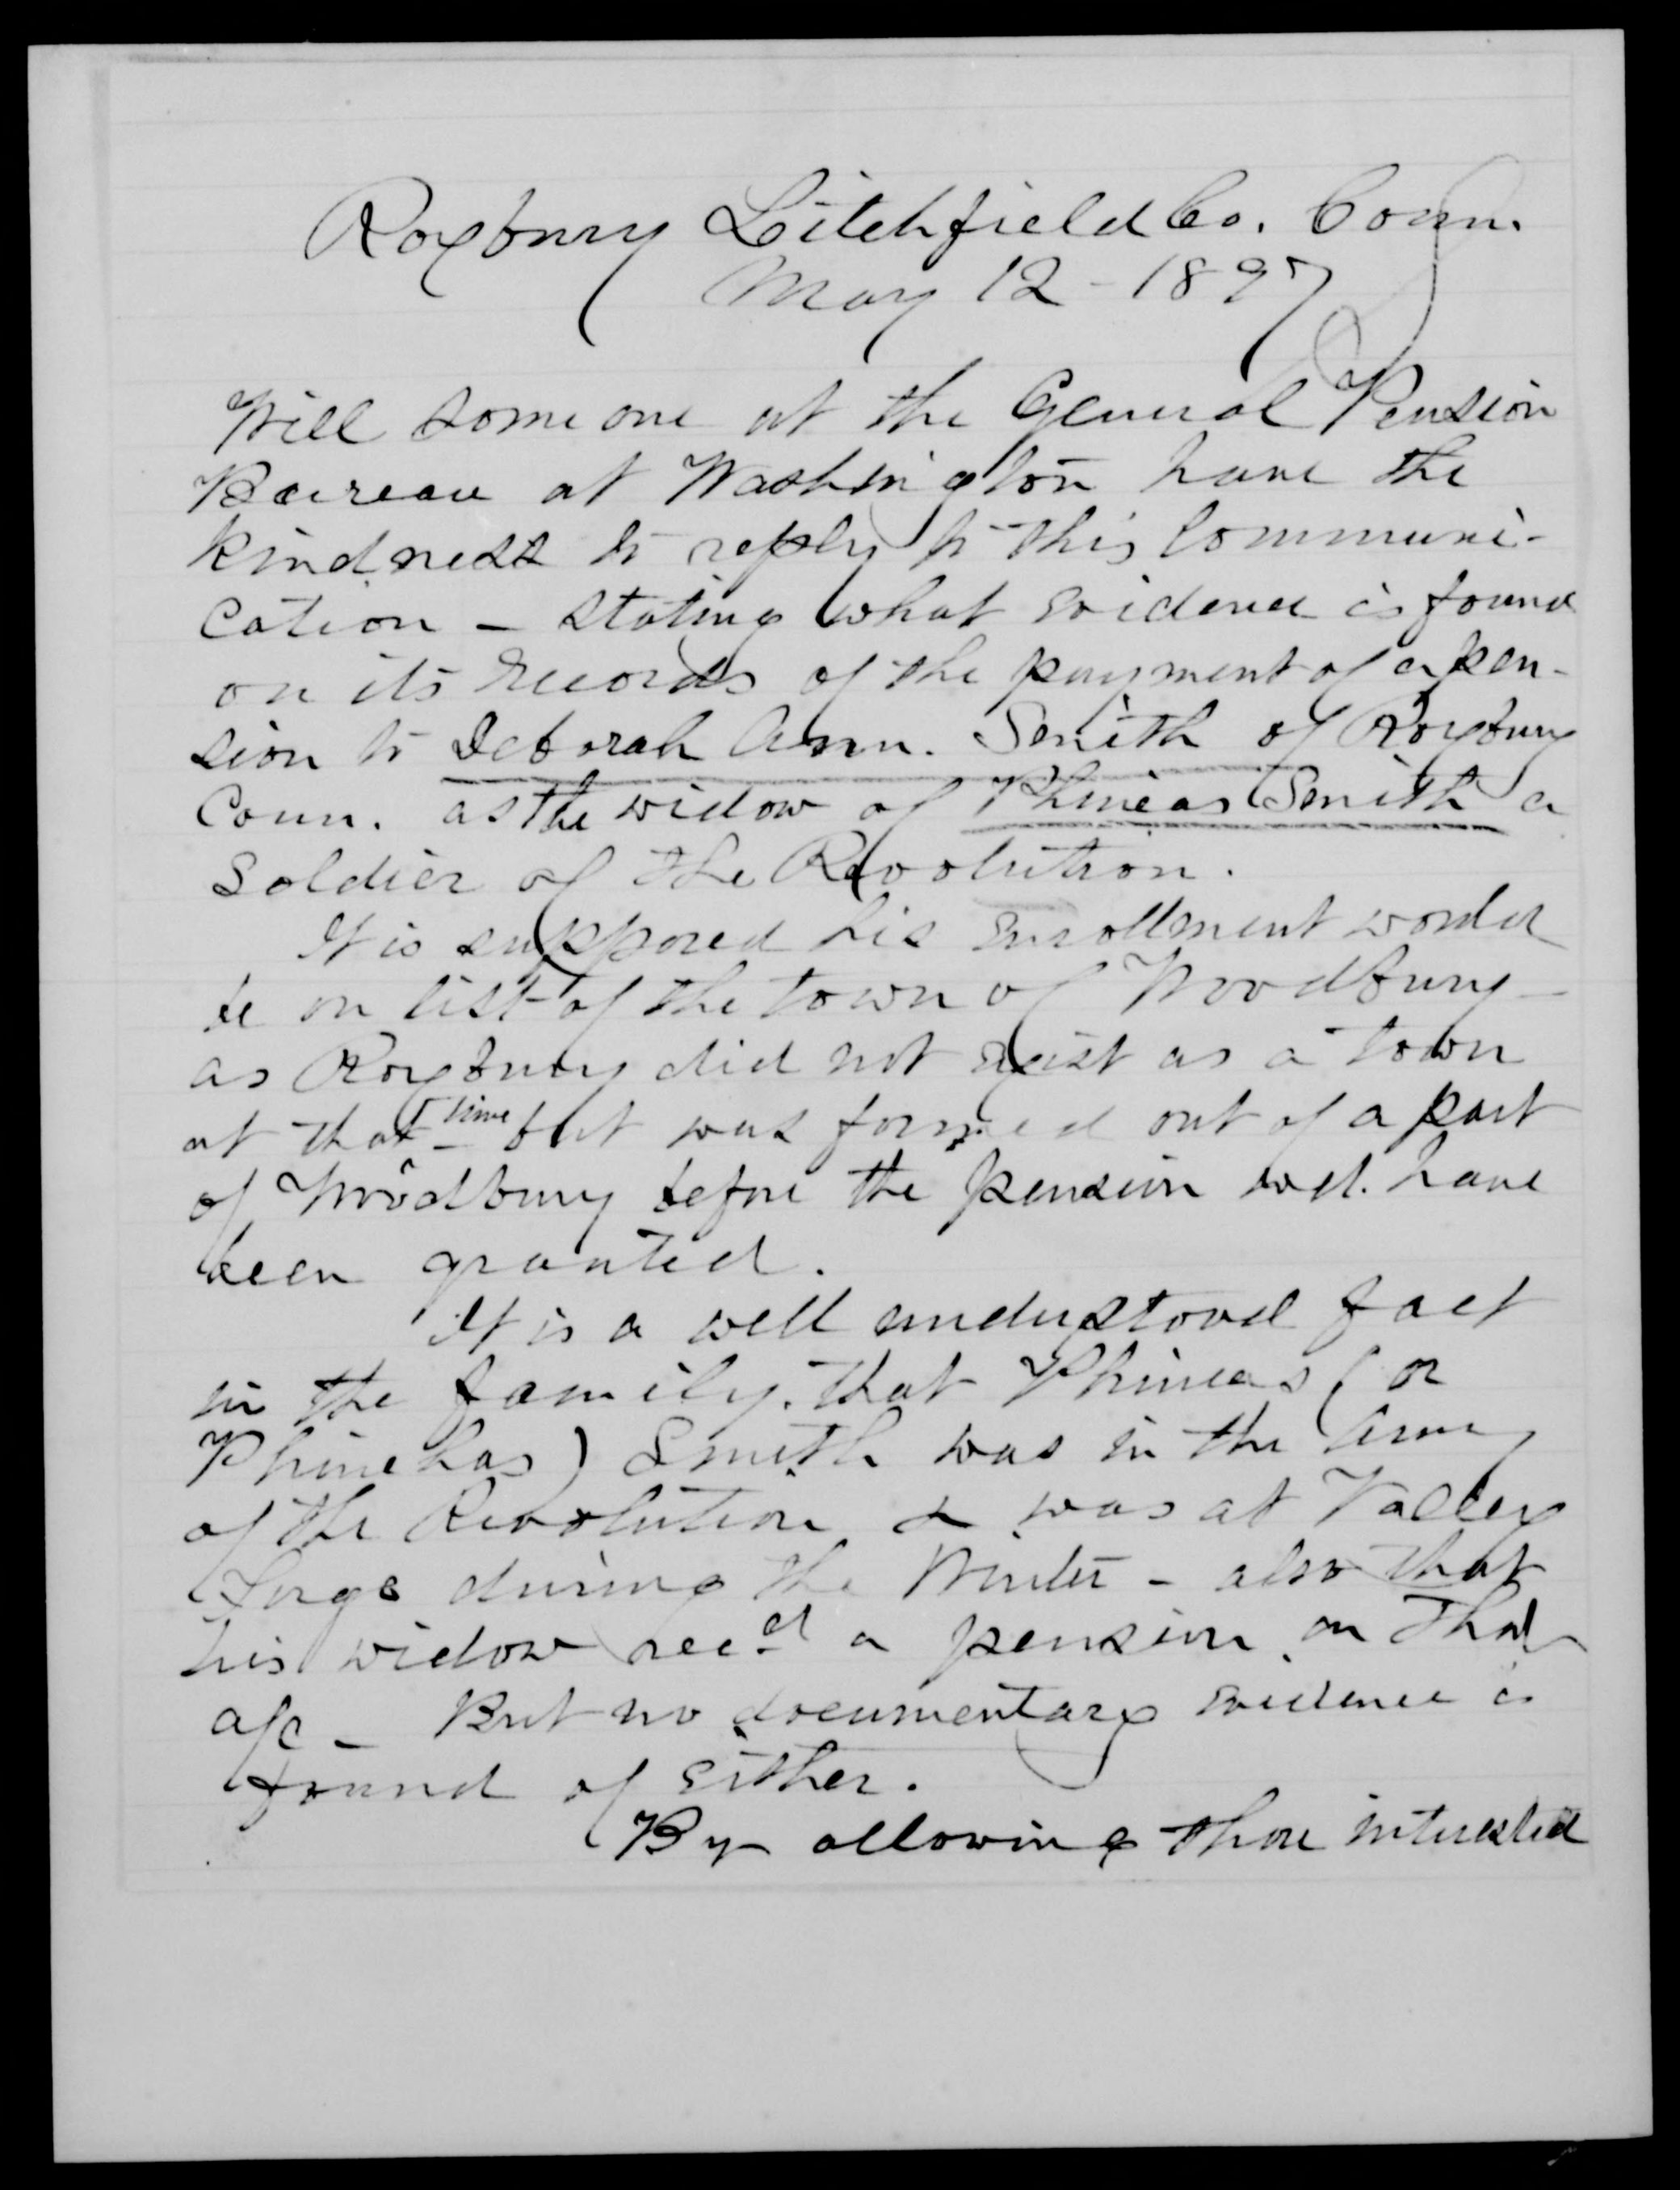Roxbury Litchfield Co, Conn May 12 1897 
Will some one at the General Pension Bureau at Washington have the kindness to reply to this communication stating what evidence is found on its records of the payment of a pension to Deborah Ann Smith of Roxbury Conn. as the widow of Phineas Smith - soldier of the Revolution.   It is supposed his enrollment would be in list of the town of Woodbury as Roxbury did not exist as a town at that time it was formed out of a part of Midbury before the pension roll have been granted.  
It is a well understood fact in the family that Phineas or (Phinehas Smith) was in the army of the Revolution & was at Valley forge during the winter, also that his widow rec’d a pension on that [unreadable]  But no documentary evidence is found of either. 
By allowing the interested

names: Deborah Ann Smith; Phineas Smith; Phinehas Smith; Phineas Smith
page: 53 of 55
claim: widow's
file: W. 11480, for Phinehas Smith, Connecticut